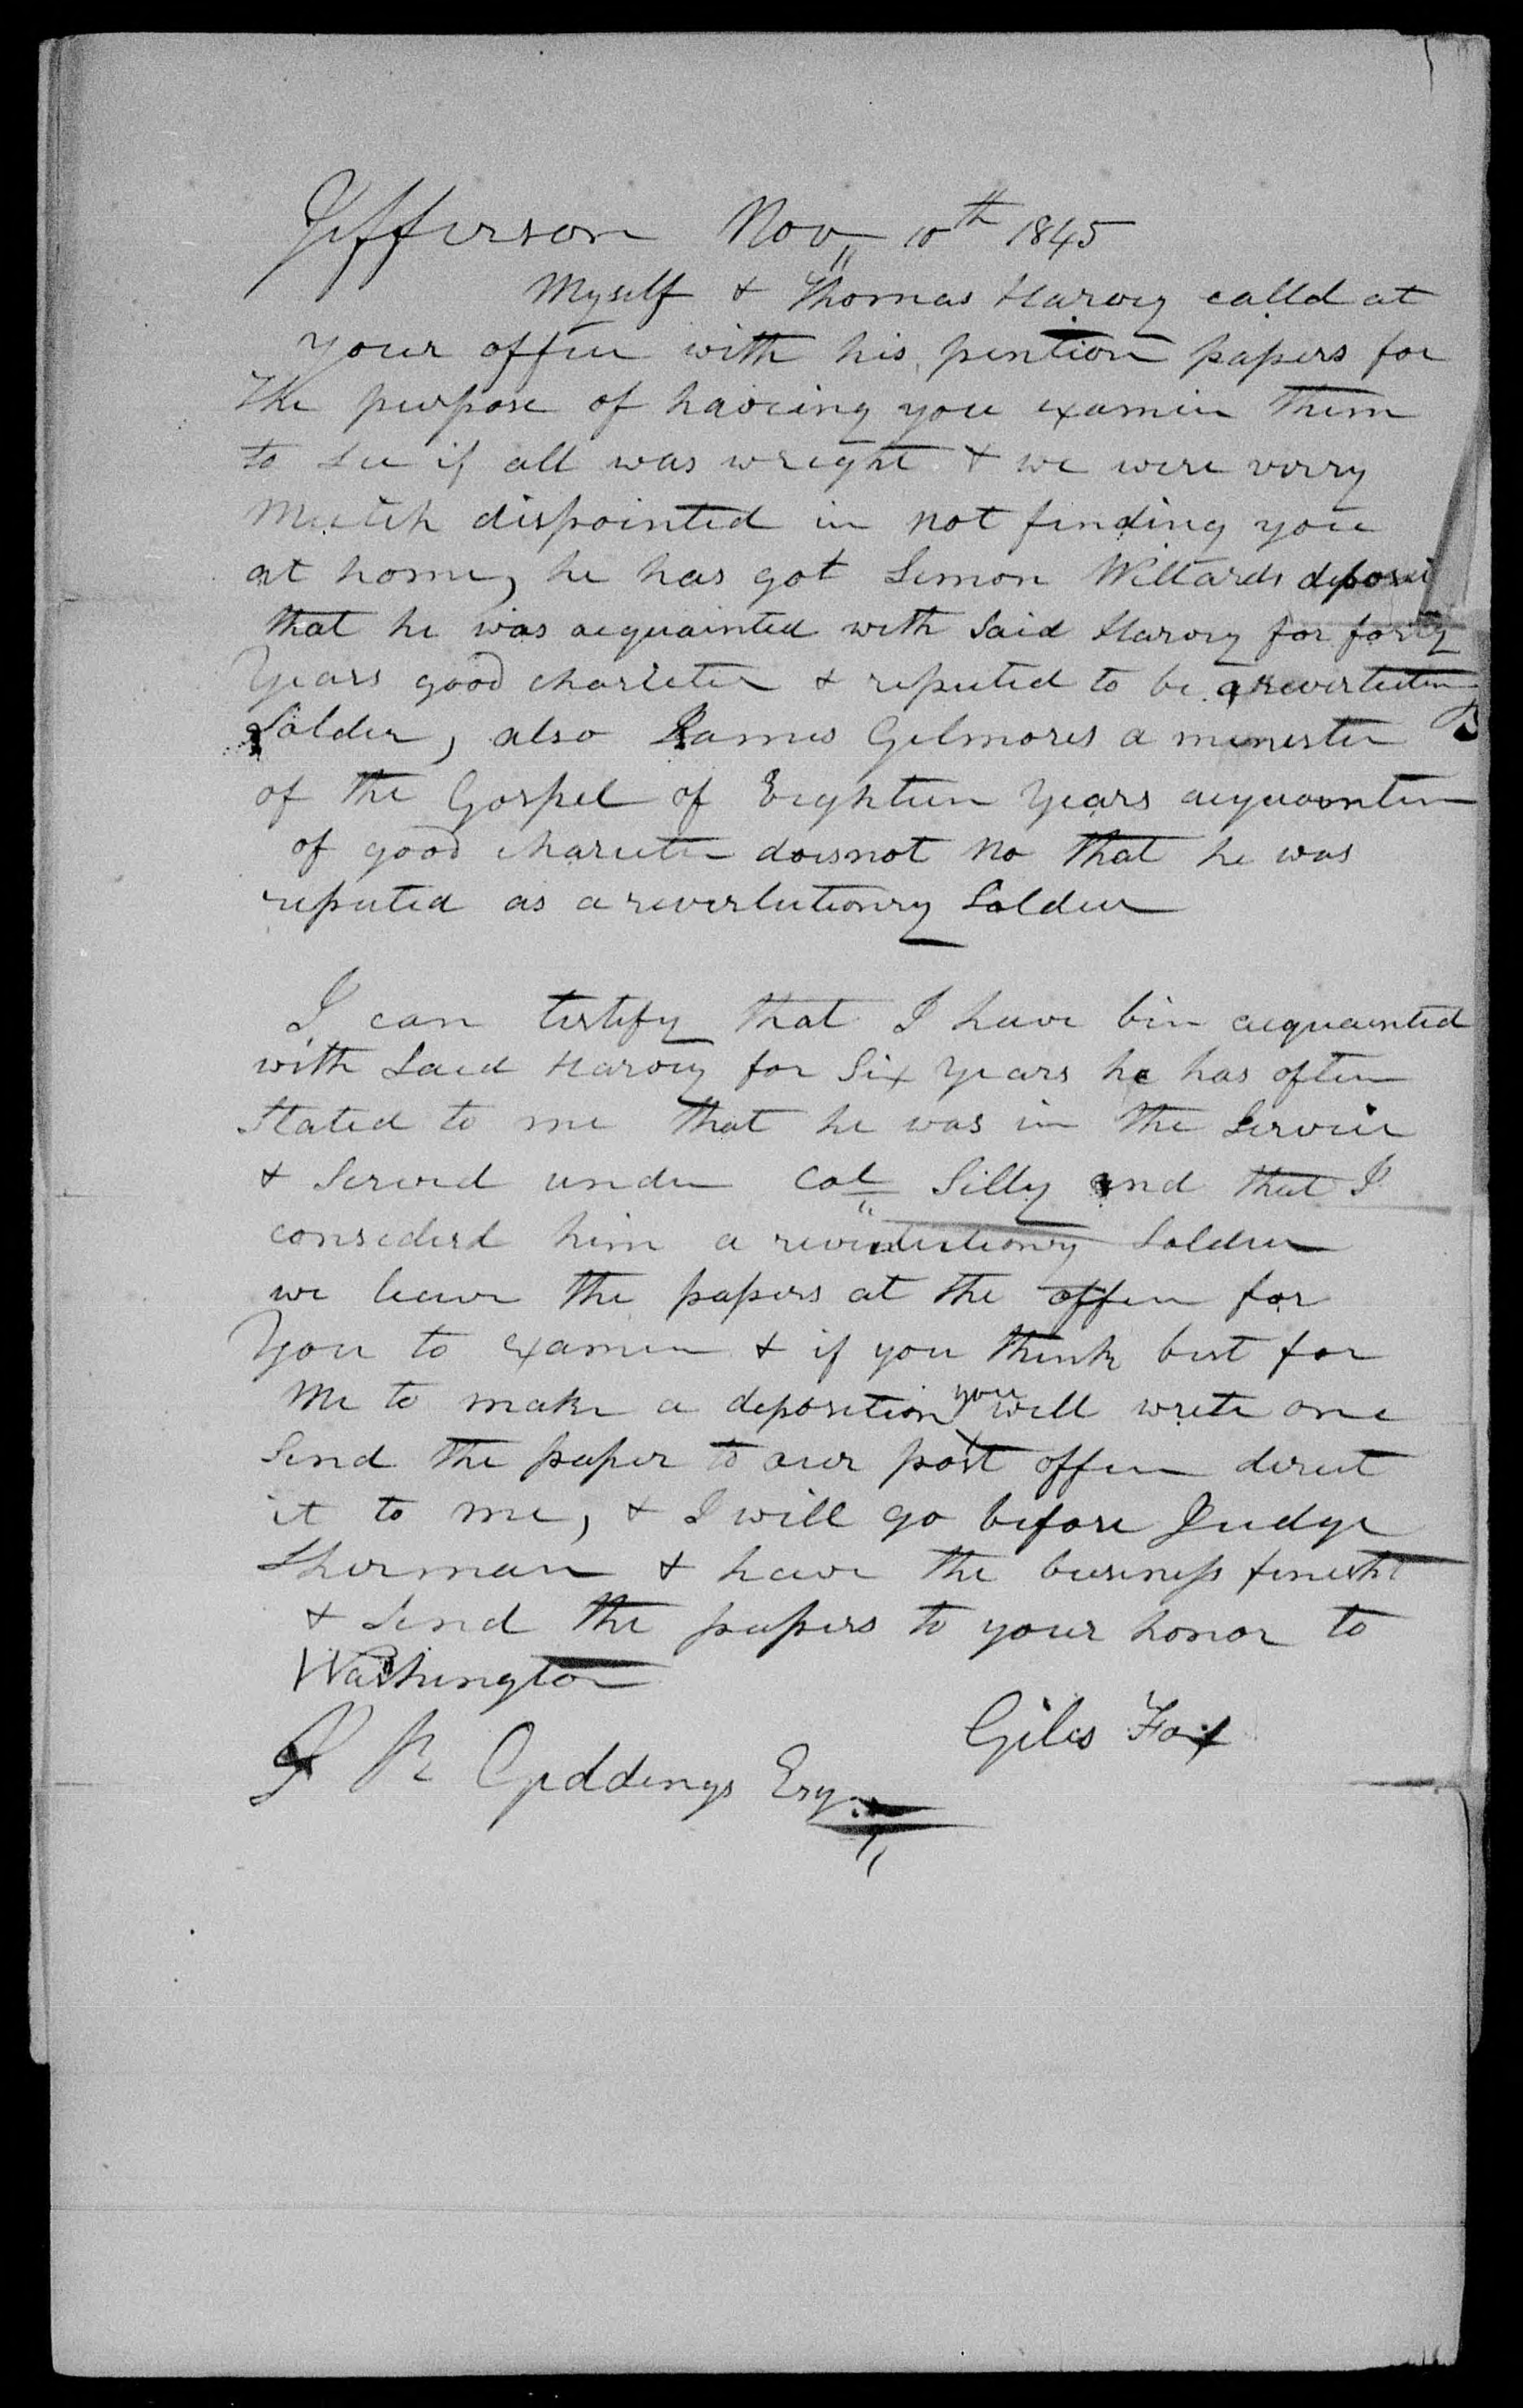Jefferson Nov 19th 1845
Myself & Thomas Harvey called at your office with his pension papers for the purpose of haveing you examine them to see if all was wright & we were verry mutch dispointed in not finding you at home, he has got Simon Willard's deposition that he was acquainted with said Harvey for forty years good character & reputed to be a revolutionary soldier, also James Gilmore's a minister of the Gospel of eighteen years acquaintance of good character - does not no that he as reputed as a revolutionary soldier
I can testify that I have bin acquainted with said Harvey for six years he as often stated to me that he was in the service & served under Col. Silly (Cilley) and that I considered him a revolutionary soldier we have the papers at the office for you to examine & if you think but for me to make a deposition you will write one send the paper to our post office direct it to me, & I will go before Judge Sherman & have the business finisht & send the papers to your honor to Washington 
/s/Giles Fox
J. R. Giddings Esqr.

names: Harvey, Silly, James Gilmore, Thomas Harvey, J R Giddings, Simon Willard, Giles Fox, Harvey, Sherman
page: 26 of 80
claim: survivor's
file: S. 18008, Thomas Harvey, N.H.